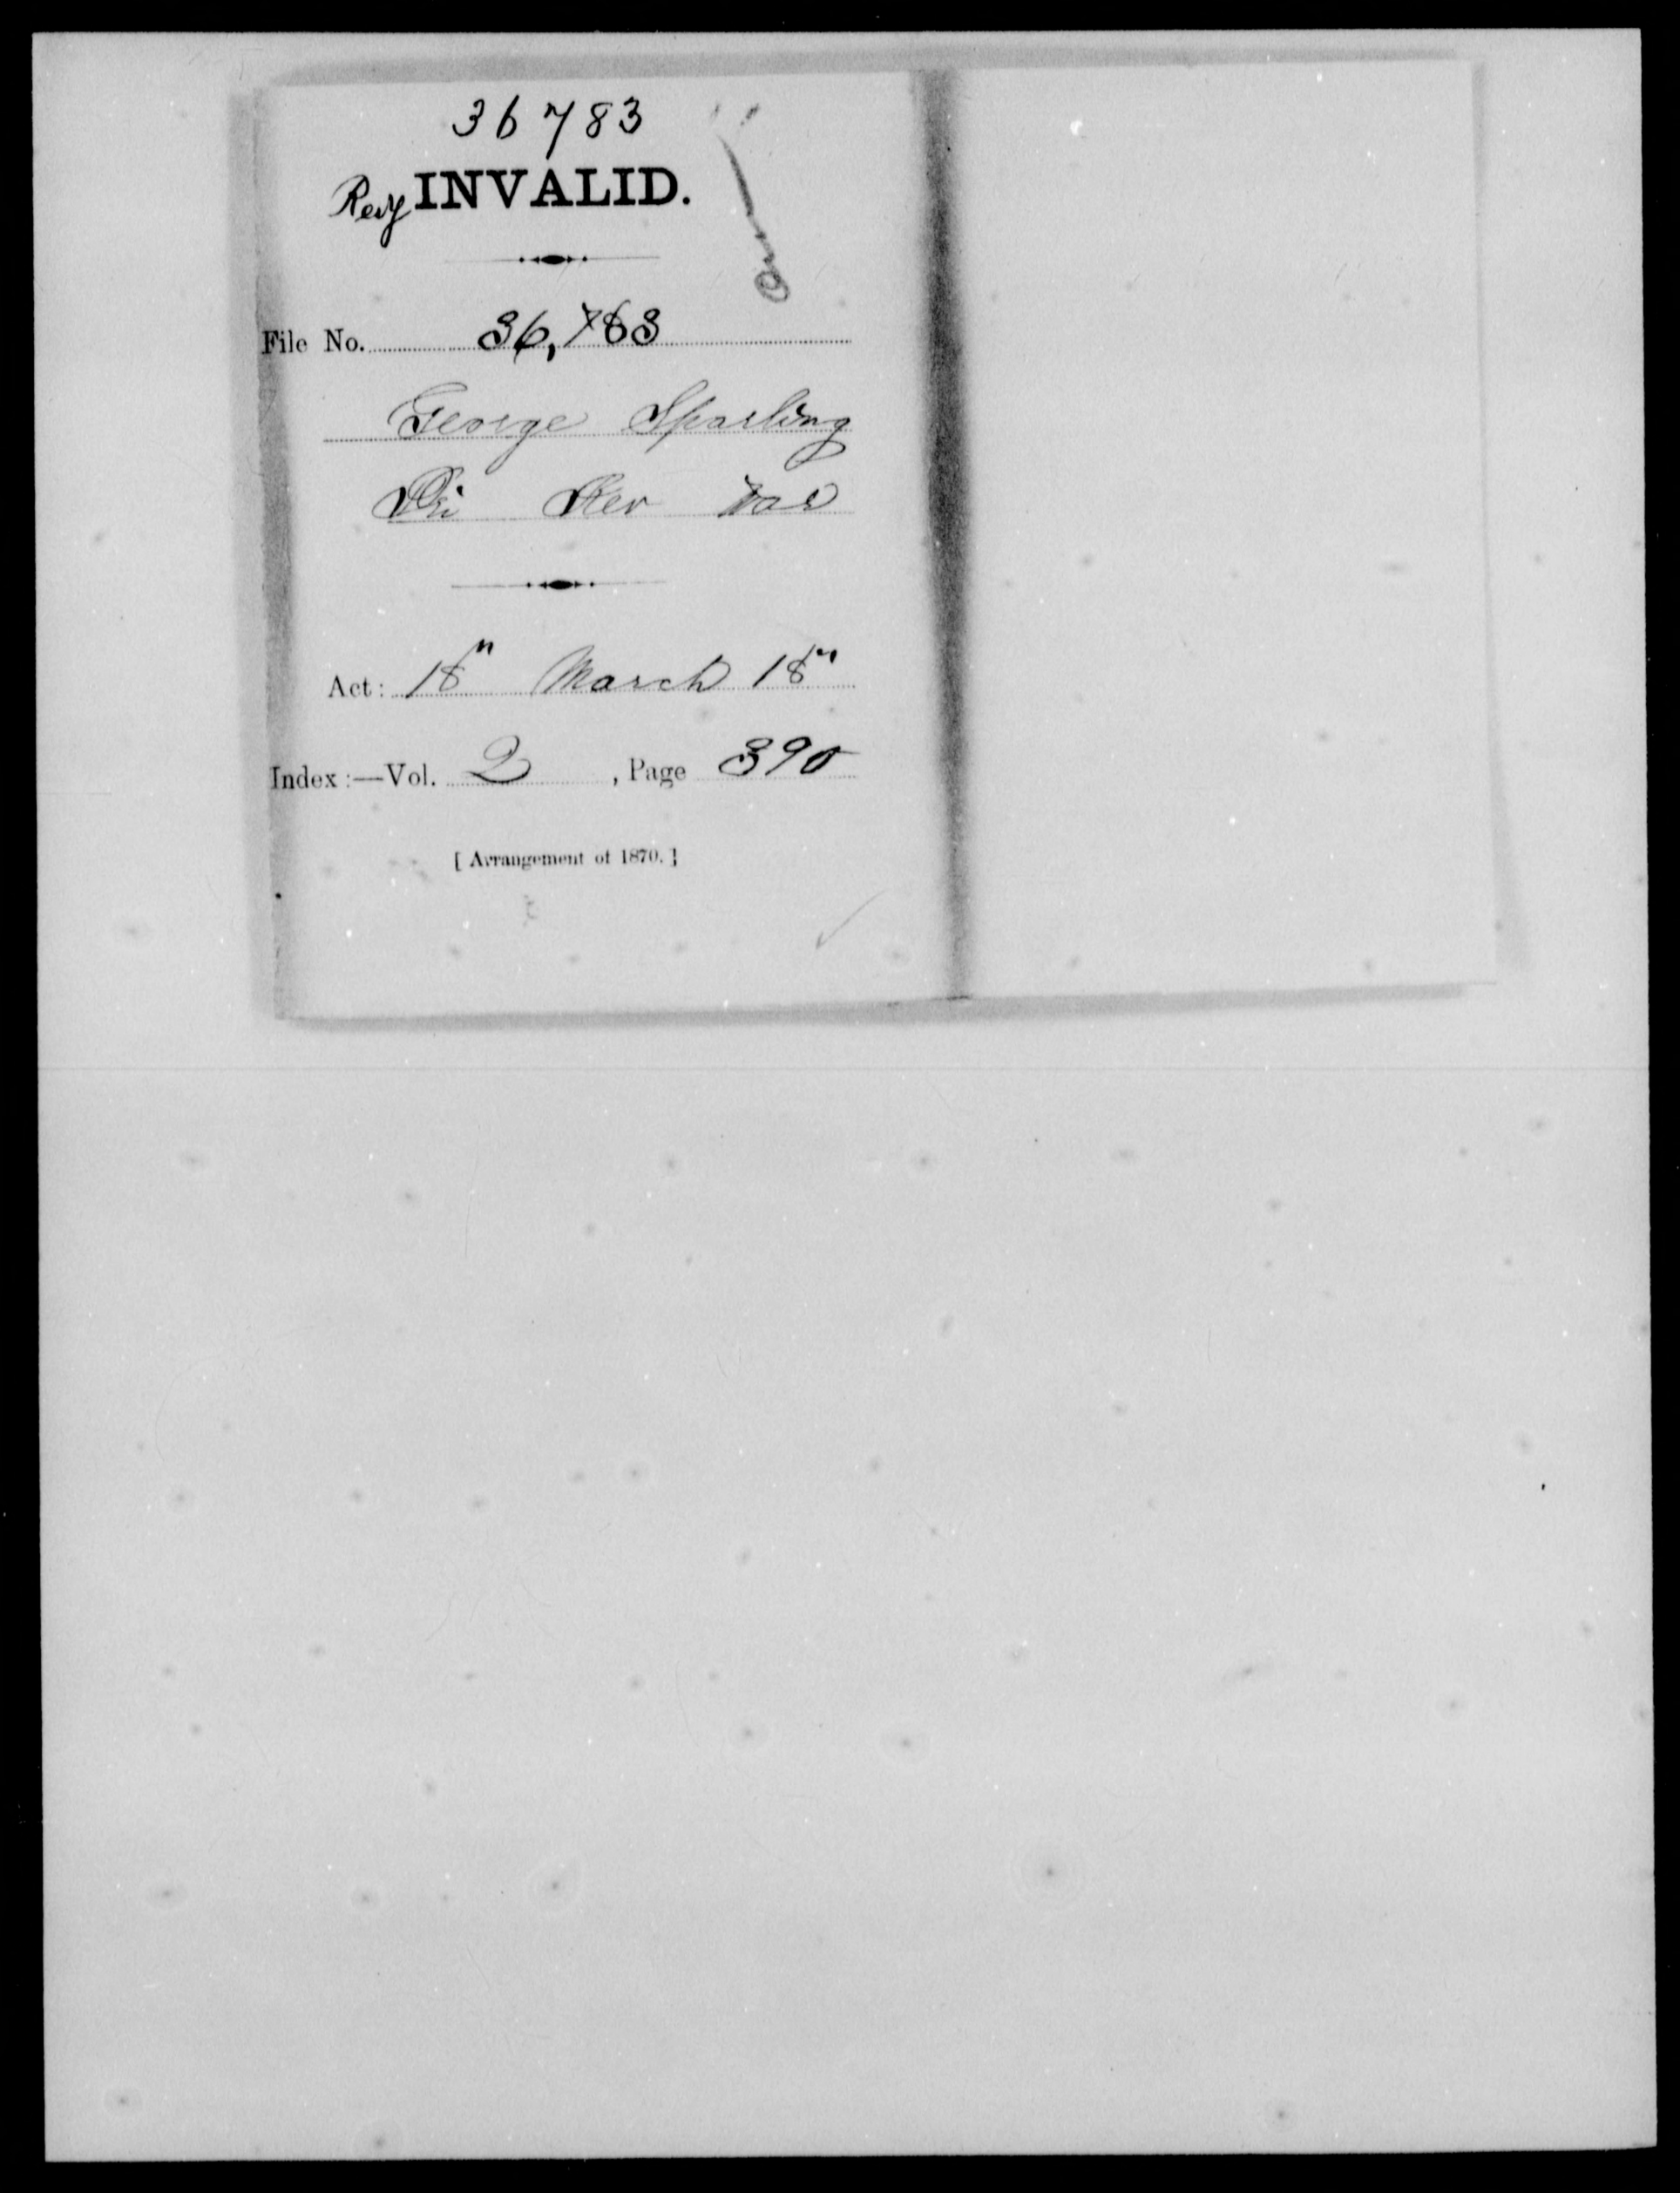36783
Revy Invalid

File No.  36783
George Sparling
Pri Rev War

Act: 18th March 1821
Index:--- Vol. 2, Page 390

[Arrangement of 1870.]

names: George Sparling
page: 12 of 20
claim: survivor's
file: S. 36,783, for George Sparling, New Jersey